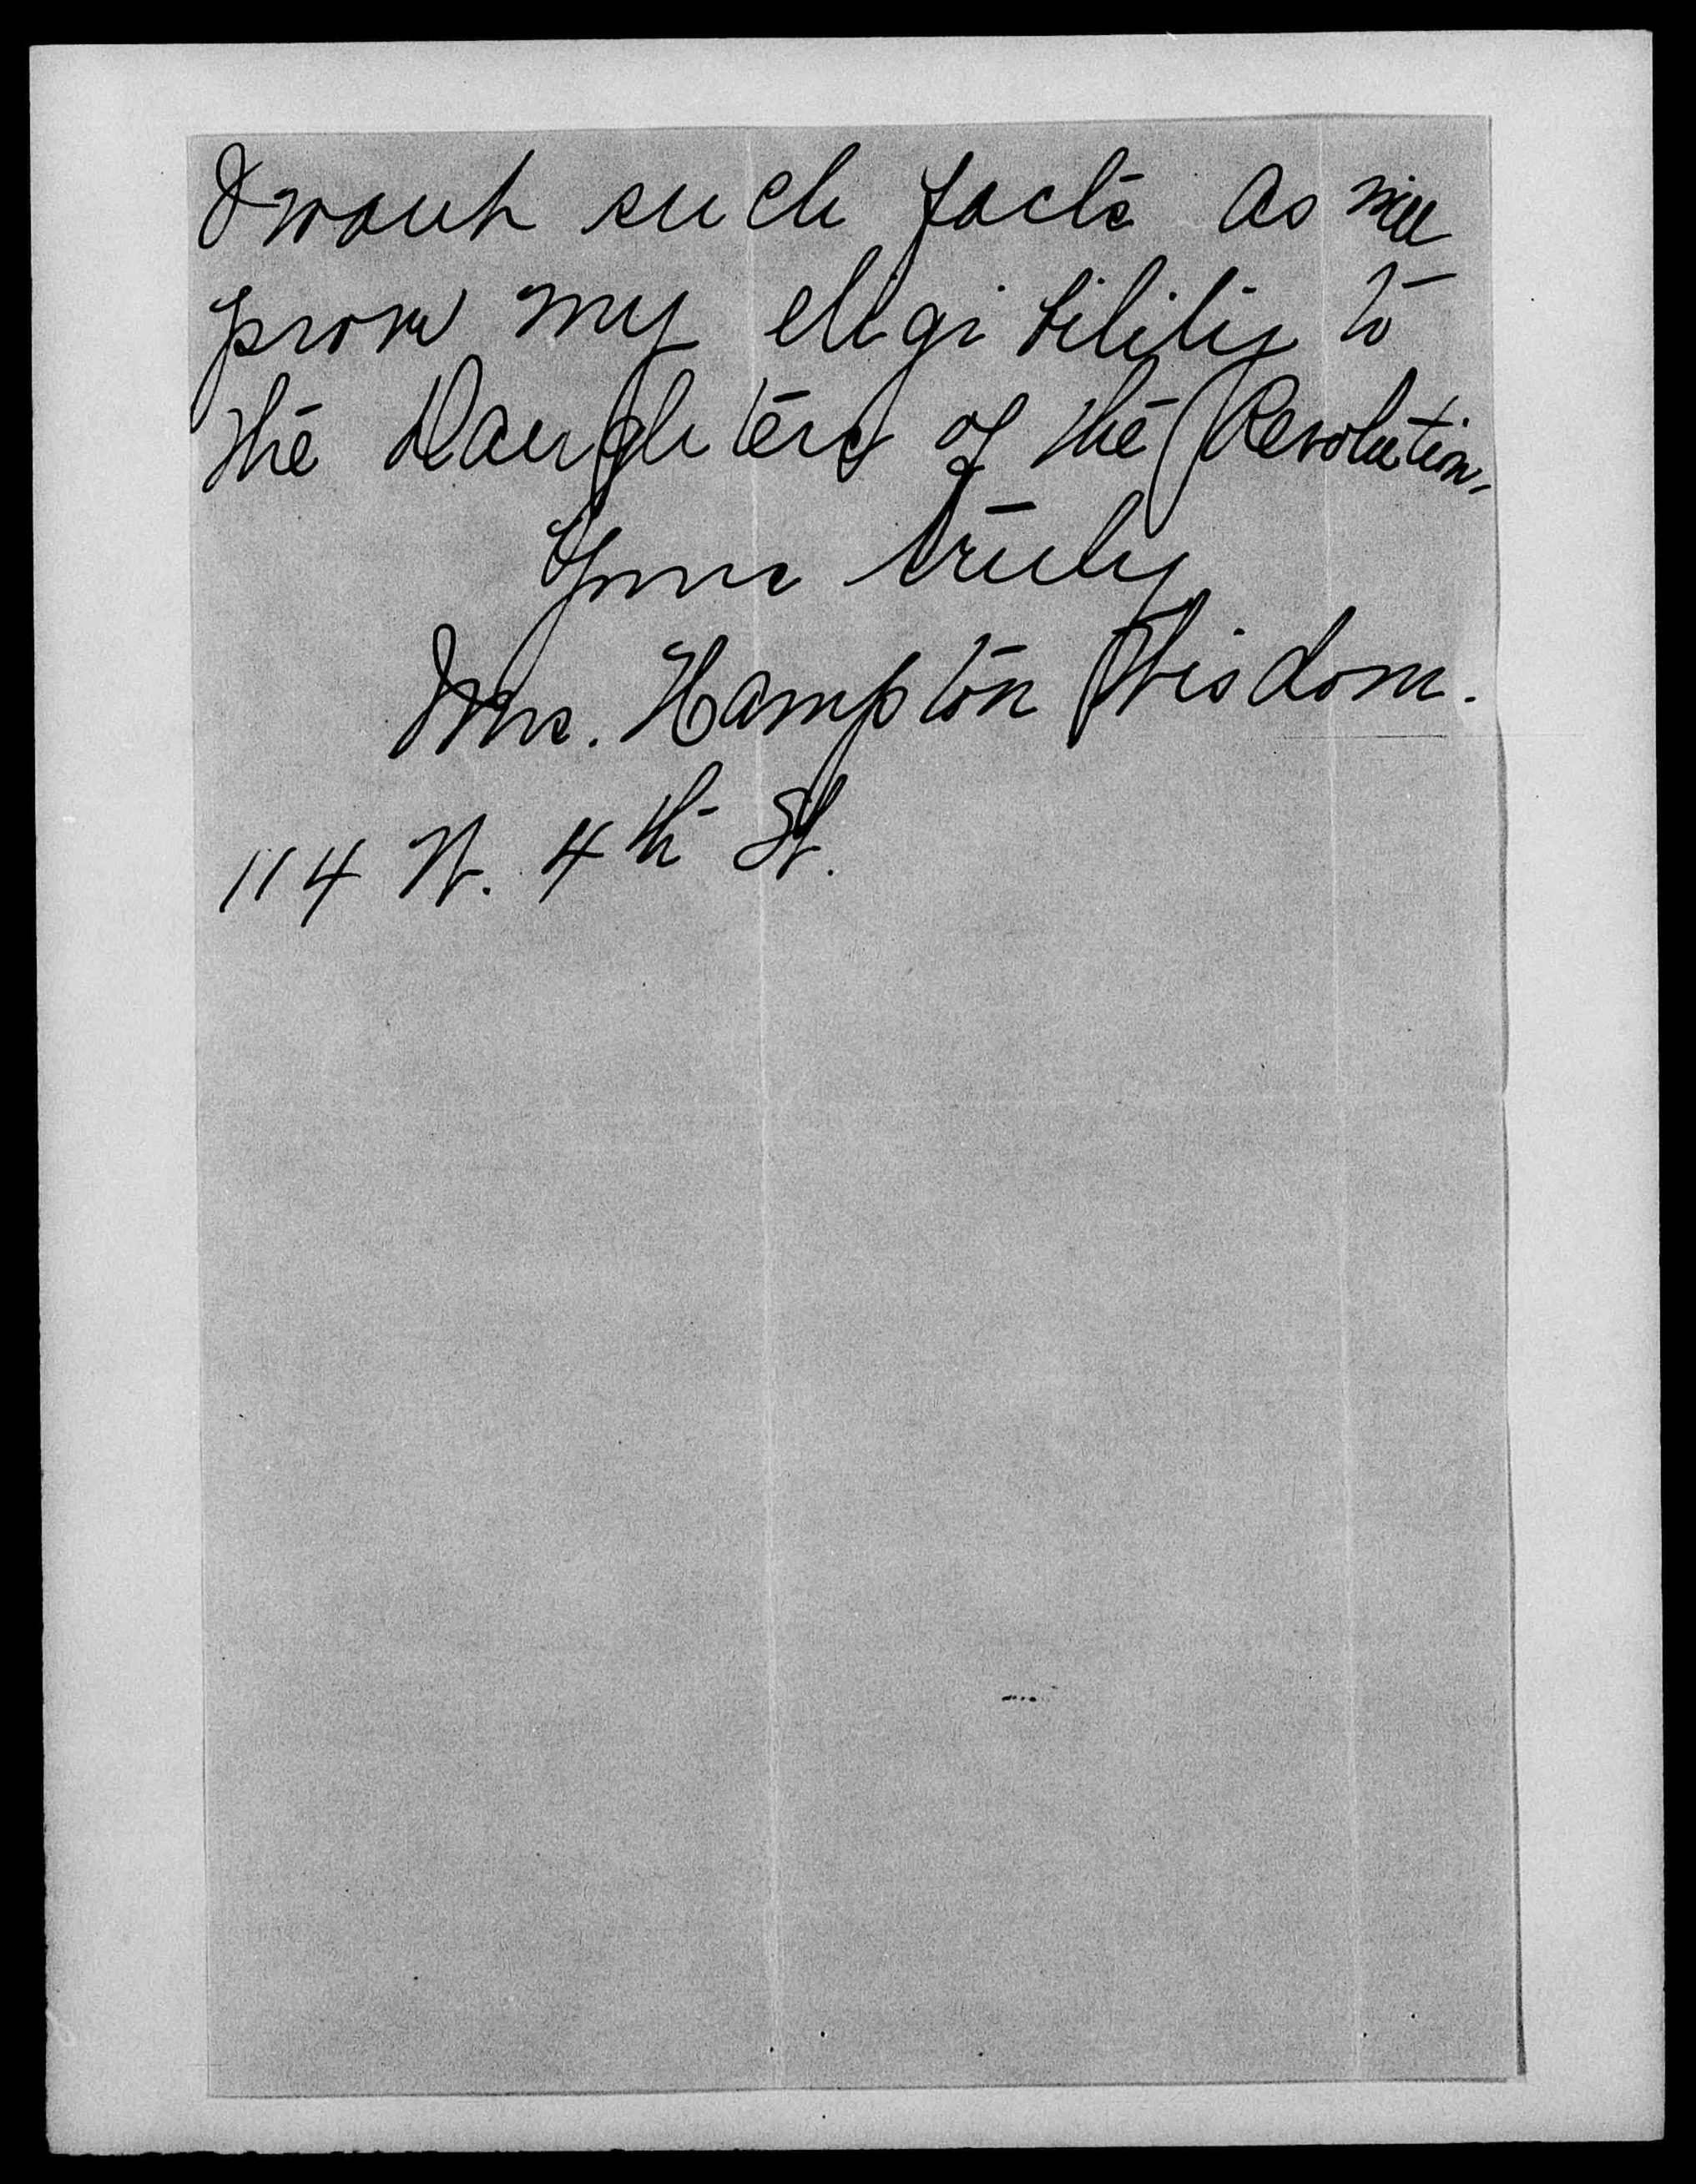I want such facts as [illegible] 
prove my eligibility to The Daughters 
of the Revolution.
Yours truly
Mrs. Hampton Wisdom 
114 N. 4th St.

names: Hampton Wisdom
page: 25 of 30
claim: survivor's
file: S. 31753, John Holman, Va.